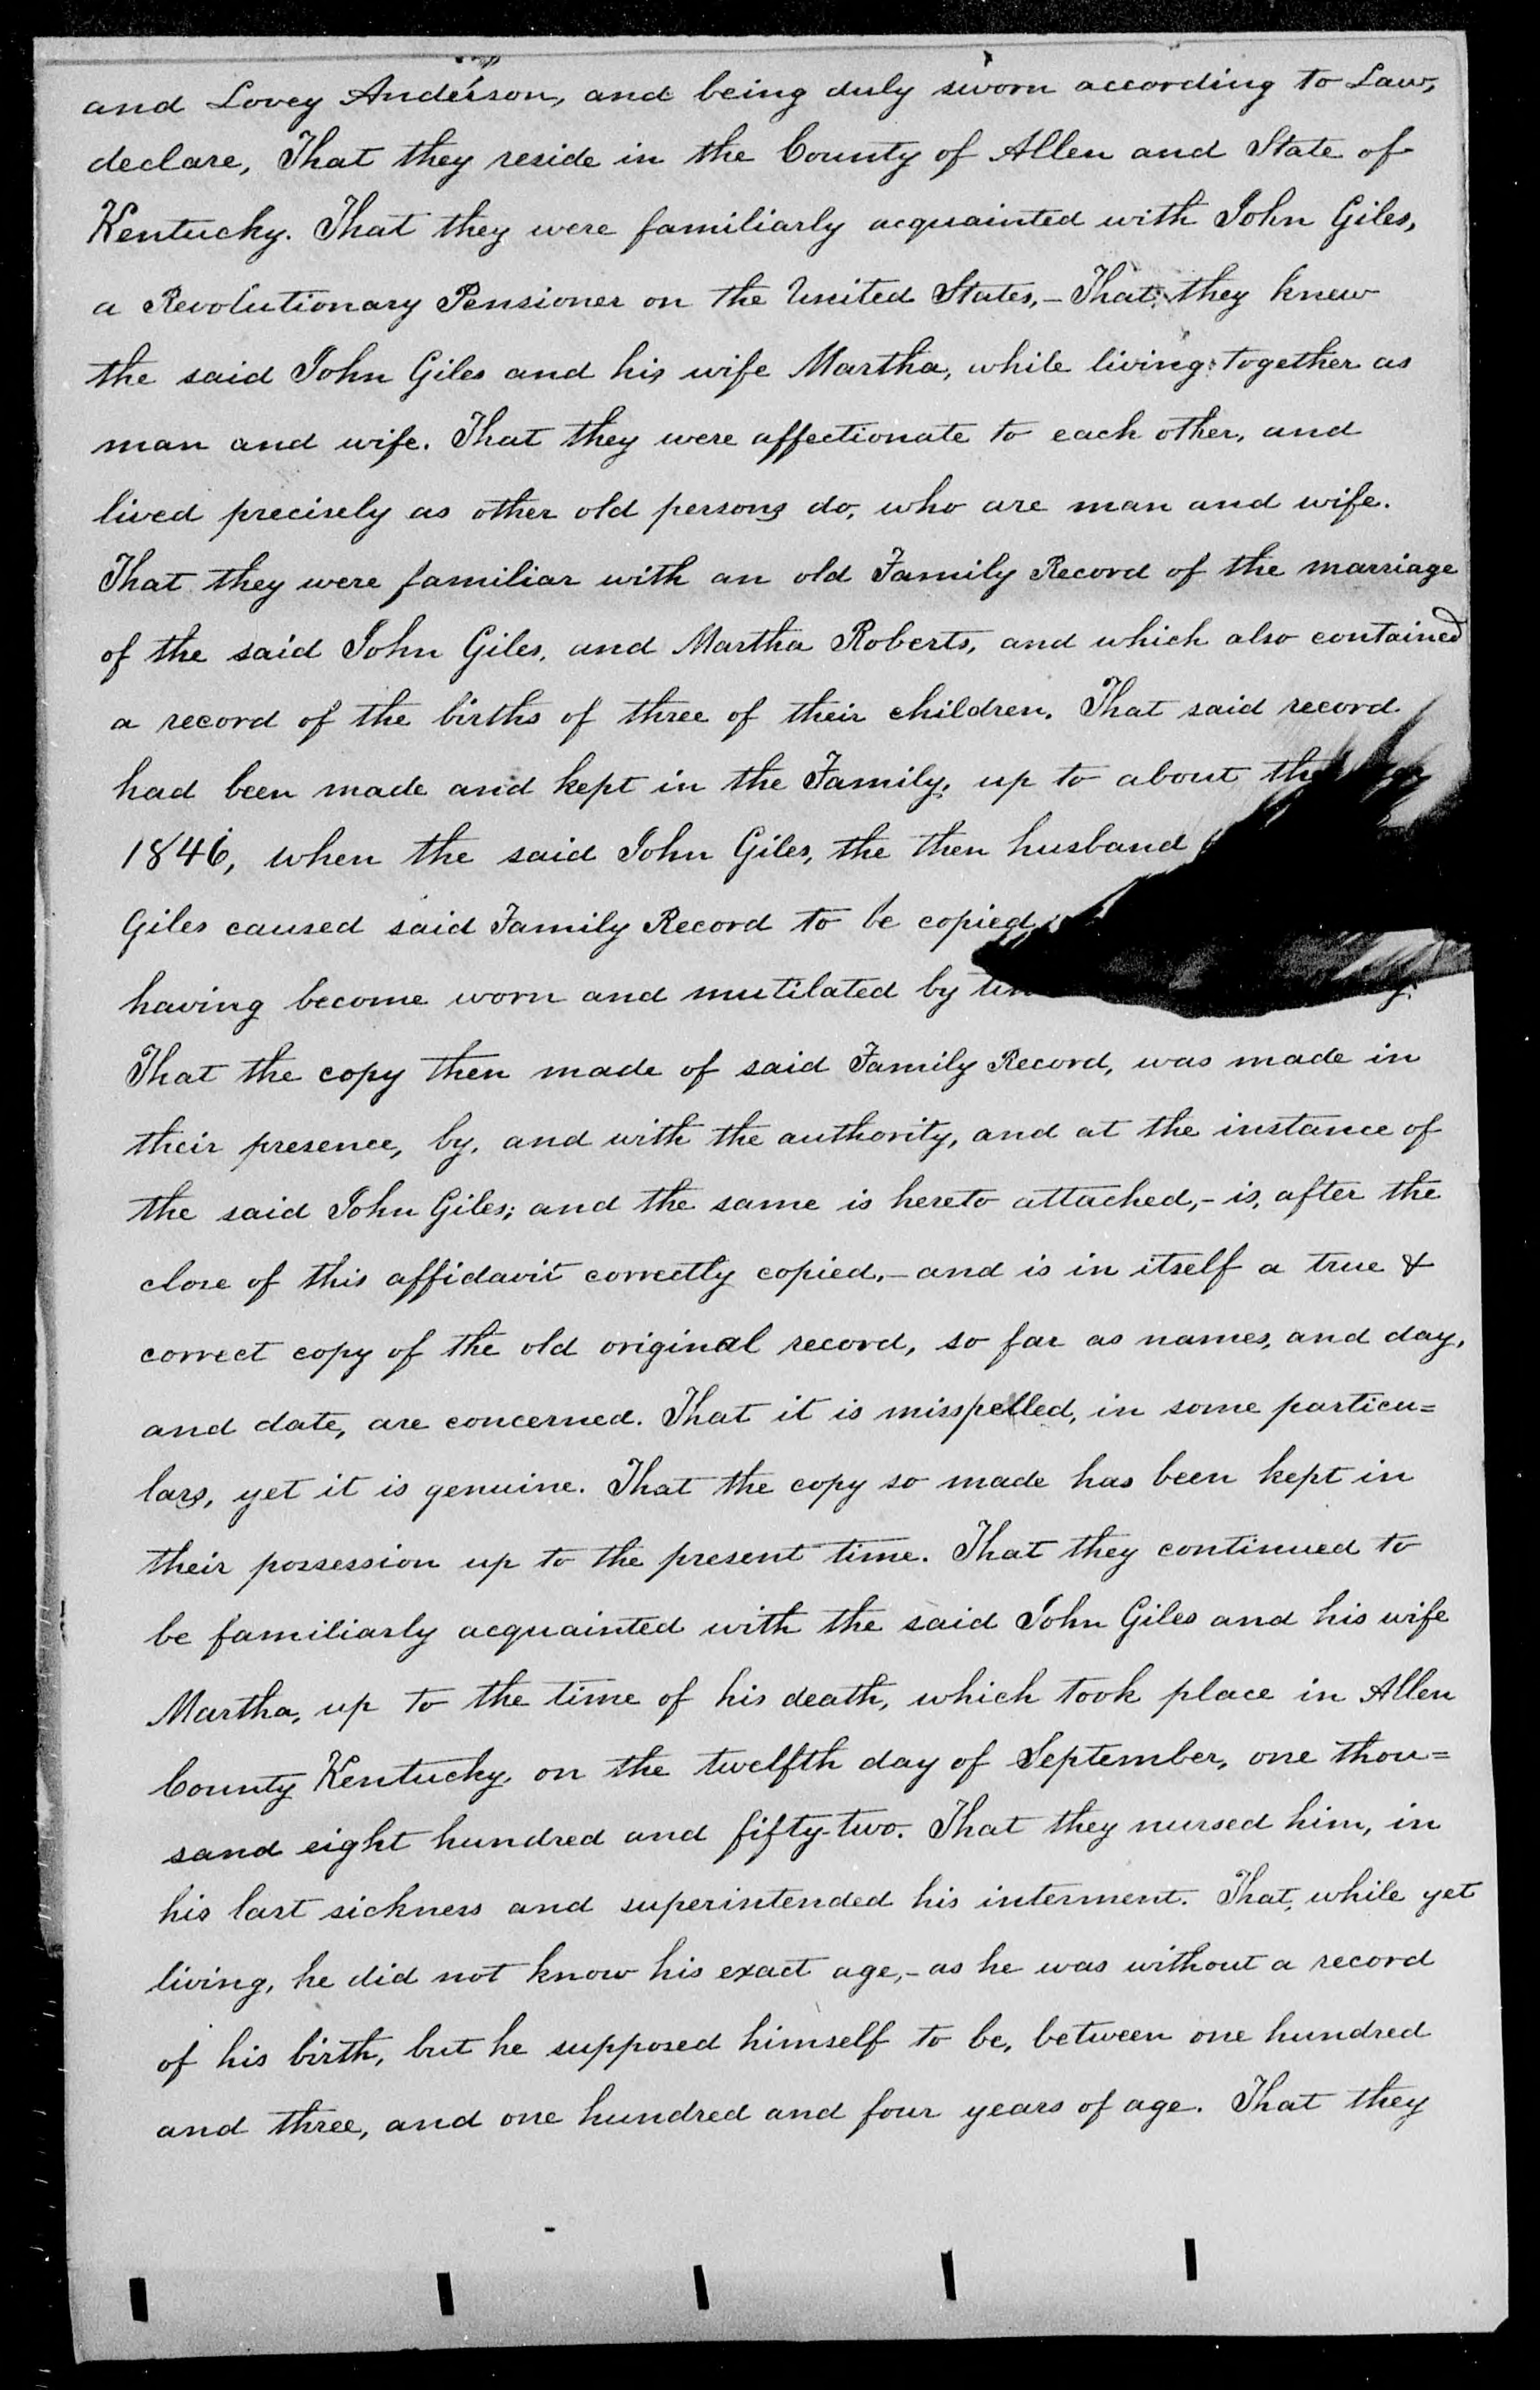and Lovey Anderson, and being duly sworn according to Law, declare, that they reside in the County of Allen and State of Kentucky. That they were familiarly acquainted with John Giles, a Revolutionary Pensioner on the United States, That they knew the said John Giles and his wife Martha, while living together as man and wife. That they wee affectionate to each other, and lived precisely as other old persons do, who are man and wife. That they were familiar with an old Family Record of the marriage of the said John Gilees, and Martha Roberts, and which also contained a record of the birth of three of their children. That said record had been made and kept in the Family, up to about [page torn] 1846, when the said John Giles, the then husband [page torn] Giles caused said Family Record to be copied [page torn ]having become worn and mutilated by [page torn] That the copy then made of said Family Record, was made in their presence, by, and with the authority, and at the instance of the said John Gils, and the same is here to attached, is after the close of this affidavit correctly copied, and is in  itself a True and correct copy of the old original record, so far as names and day, and date, are concerned. That it is misspelled, in some particulars, yet it is genuine. That the copy so made has been kept in their possession up to the present time. That they continued to be familiarly acquainted with the said John Giles and his wife Martha, up to the time of his death, which took place in Allen County Kentucky on the twelfth day of September, one thousand eight hundred and fifty-two. That they nursed him, in his last sickness and unperintended his interment. That while yet living, he did not know his exact age, as he was without a record of his birth, but he supposed himself to be, between one hundred and three, and one hundred and four years of age. That they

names: Martha Roberts, John Giles, John Giles, John Giles, Lovey Anderson, Martha, John Giles, John Giles, Giles, Martha, John Giles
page: 23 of 82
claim: widow's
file: W. 7,522, John Giles, N.C.